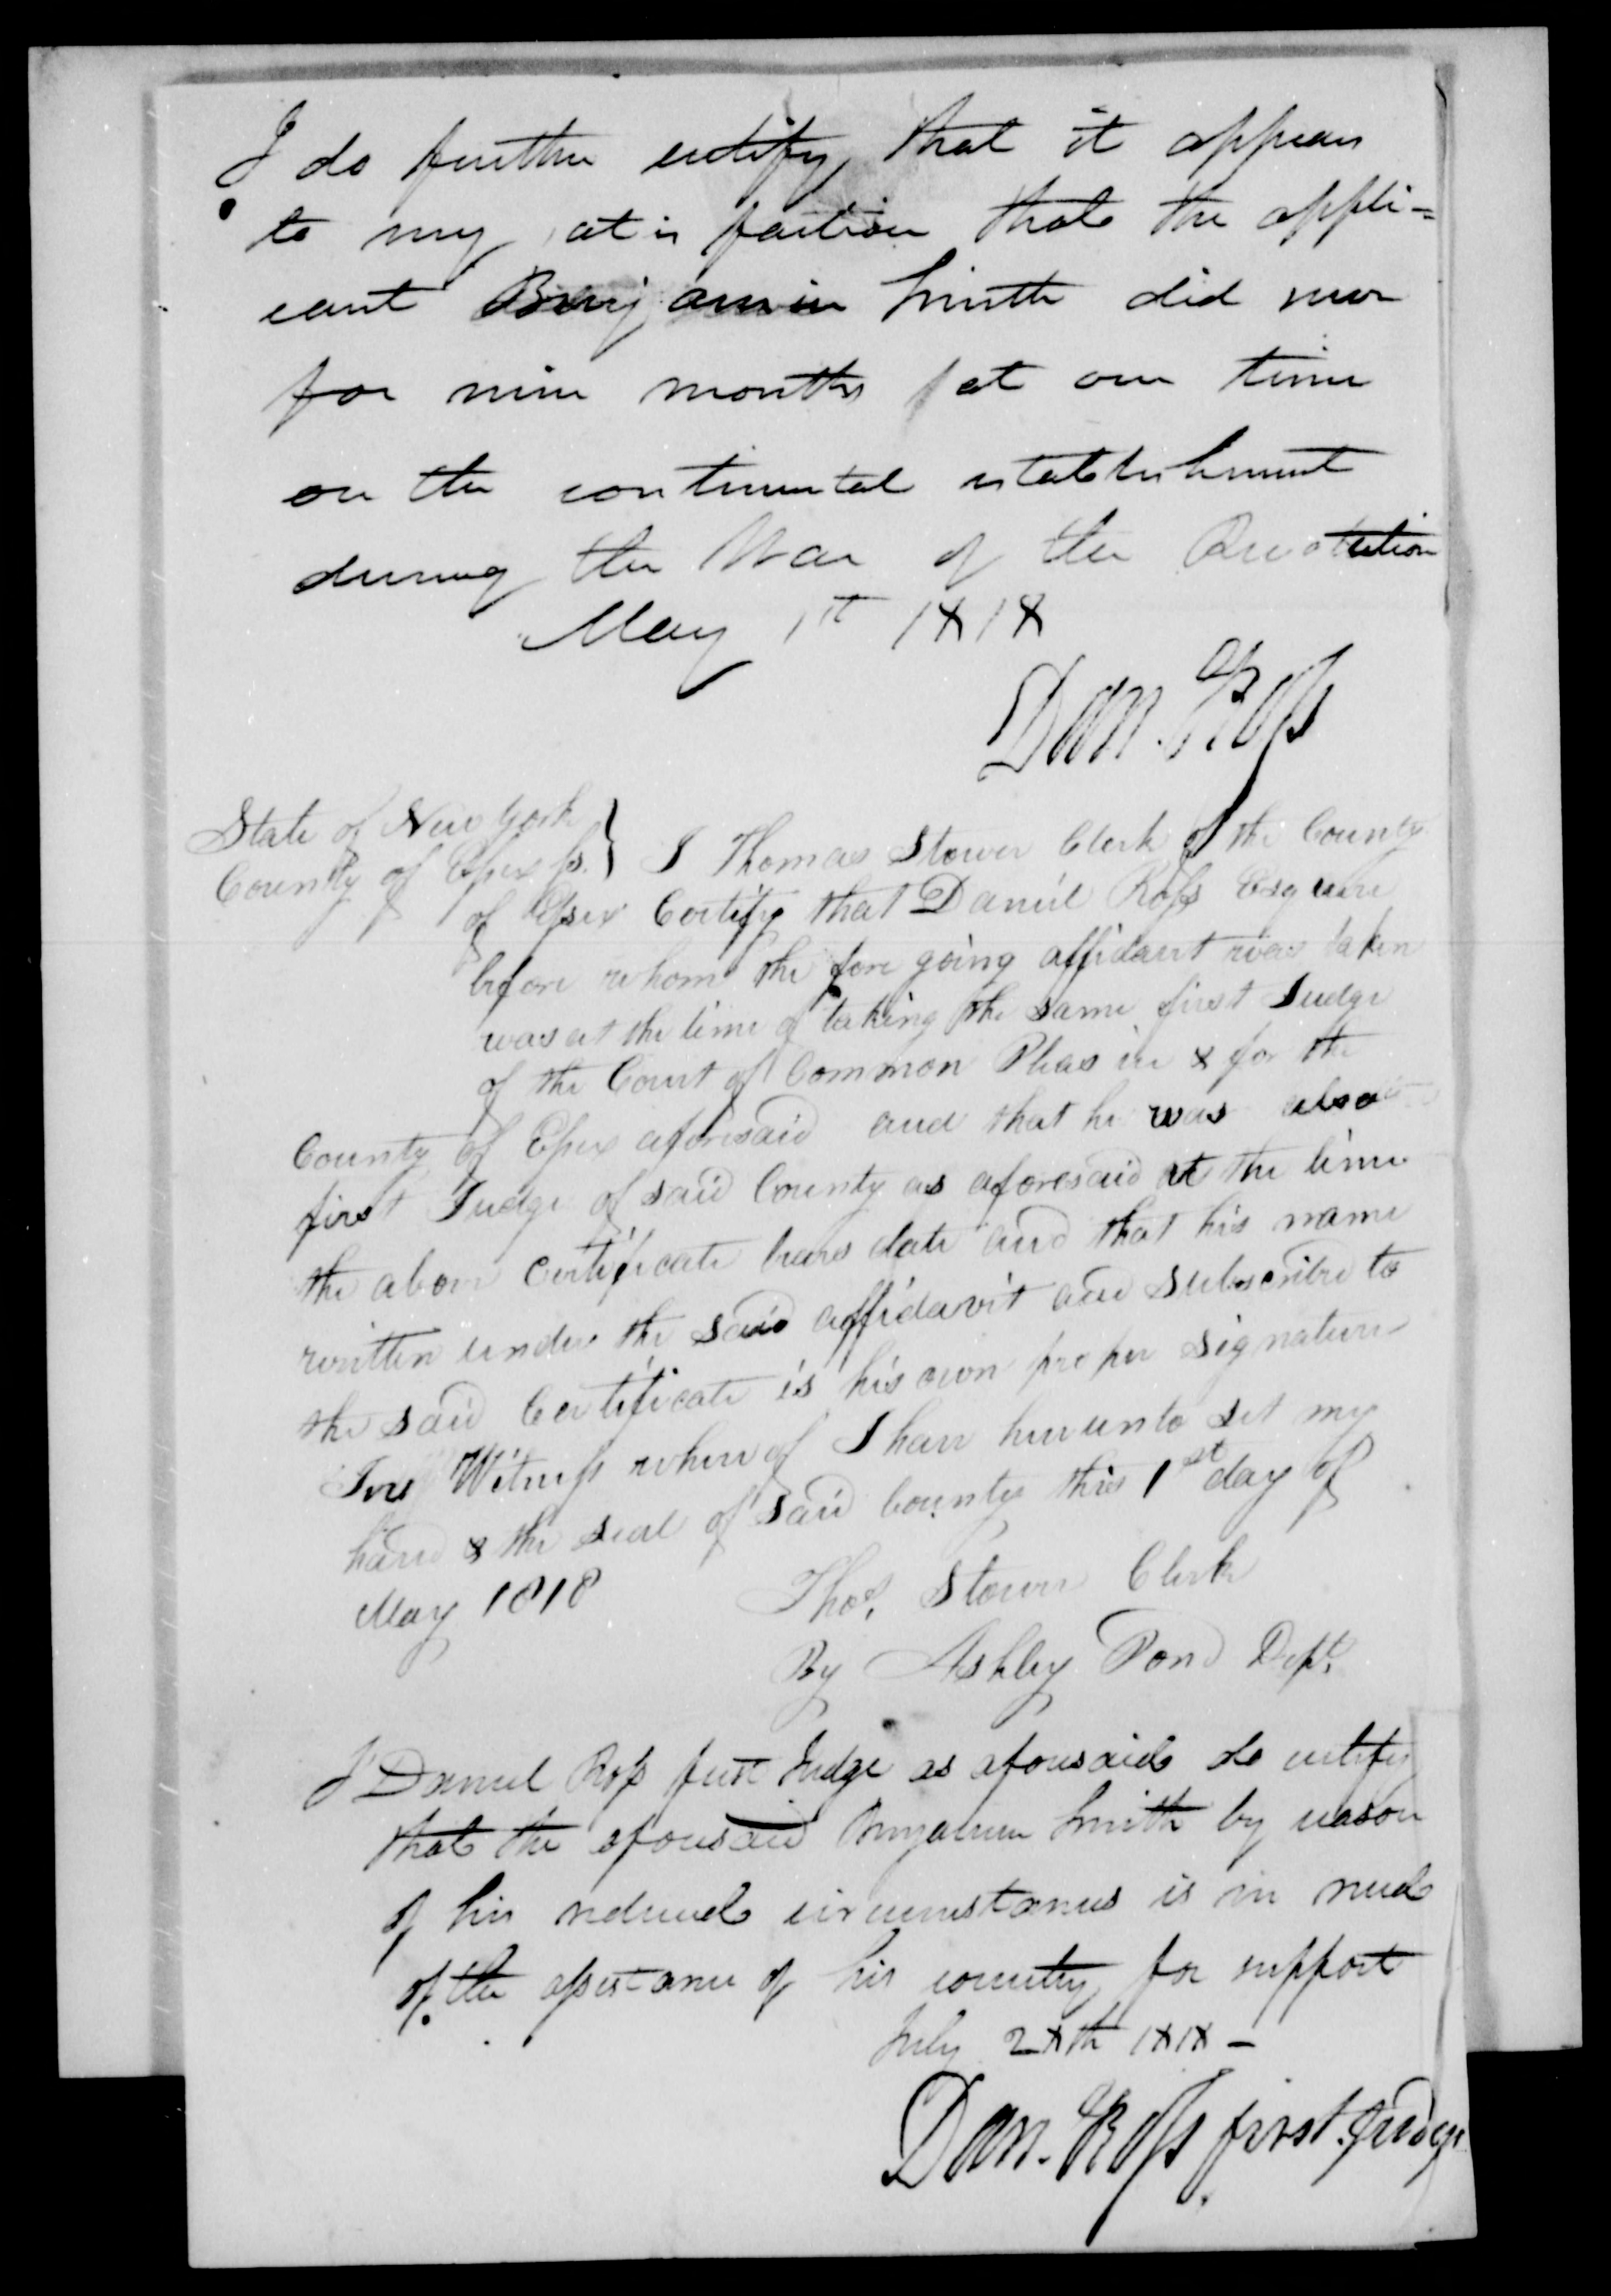I do further certify that it appears to my satisfaction that the applicant Benjamin Smith did serve for nine months at one time on the continental establishment during the War of the Revolution 
May 1st 1818 
Dan Ross
State of New York County of Essex ss} I Thomas Stower Clerk of the County of Essex Certify that Daniel Ross Esquire before whom the fore going affidavit was taken was at the time of taking the same first Judge of the Court of Common Pleas in & for the County of Essex aforesaid and that he was a first Judge of said County as aforesaid at the time the above certificate bears date and that his name written under the said affidavit and subscribed to the said Certificate is his own proper signature Witness whereof I have hereunto set my and & the seal of said County this 1st day of May 1818 
Thos Stown Clerk 
By Ashley Pond Dept 
I Daniel Ross first Judge as aforesaid do certify that the aforesaid Benjamin Smith by reason of his reduced circumstances is in need of the assistance of his country for support 
July 27th 1818- 
Dan Ross first Judge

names: Benjamin Smith; Benjamin Smith; Thos Stower; Ashley Pond; Dan Ross; Thomas Stower; Dan Ross; Daniel Ross; Daniel Ross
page: 7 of 16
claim: survivor's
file: S. 42341, for Benjamin Smith, Rhode Island